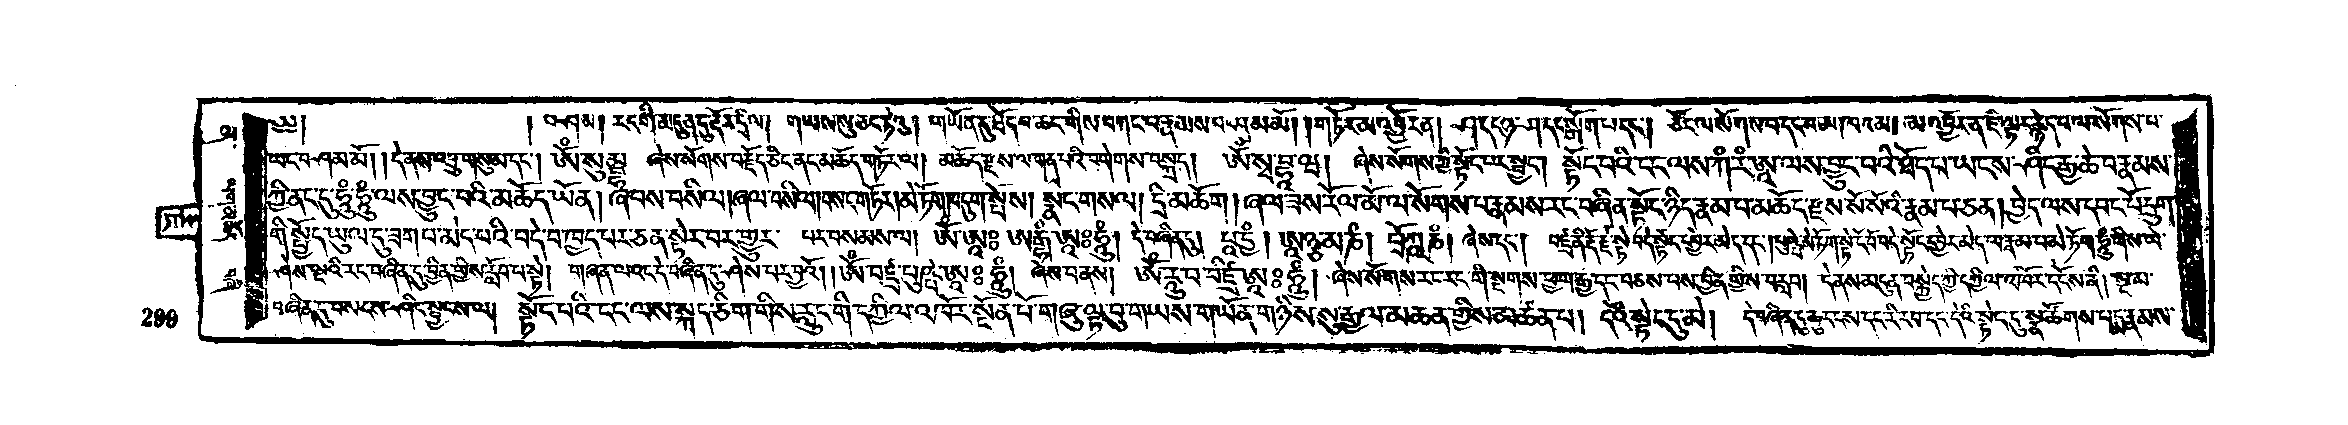༄༅། །བཤམ། རང་གི་མདུན་དུ་རྡོར་དྲིལ། གཡས་སུ་ཅང་ཏེའུ། གཡོན་དུ་ཐོད་པ་ཆང་གིས་བཀང་པ་རྣམས་བཤམ་མོ། །གཏོར་མ་འབྱོར་ན། ཤ་དང་ཉ་ཤ་དང་སྒོག་པ་དང་། ཙོང་ལ་སོགས་པ་དང་བཅས་པའམ། མ་འབྱོར་ན་ཇི་ལྟར་རྙེད་པ་ལ་སོགས་པ་
ཡང་བཤམ་མོ། །དེ་ནས་འབྲུ་གསུམ་དང་། ཨོཾ་སུམྦྷ་ཞེས་སོགས་བརྗོད་ཅིང་ནང་མཆོད་གཏོར་ལ། མཆོད་རྫས་ལ་གནས་པའི་བགེགས་བསྐྲད།  ཨོཾ་སྭ་བྷཱ་ཝ། ཞེས་སོགས་ཀྱི་སྟོང་པར་སྤྱད།  སྟོང་པའི་ངང་ལས་ཀཾ་རཾ་ཨཱ་ལས་བྱུང་བའི་ཐོད་པ་ཡངས་ཤིང་རྒྱ་ཆེ་བ་རྣམས་
ཀྱི་ནང་དུ་ཧཱུཾ་ཧཱུཾ་ལས་བྱུང་བའི་མཆོད་ཡོན། ཞབས་བསིལ། ཞལ་བསིལ། བསང་གཏོར། མེ་ཏོག །བདུག་སྤོས། སྣང་གསལ། དྲི་མཆོག །ཞལ་ཟས་རོལ་མོ་ལ་སོགས་པ་རྣམས་རང་བཞིན་སྟོང་ཉིད་རྣམ་པ་མཆོད་རྫས་སོ་སོའི་རྣམ་པ་ཅན། བྱེད་ལས་དབང་པོ་དྲུག་
གི་སྤྱོད་ཡུལ་དུ་ཟག་པ་མེད་པའི་བདེ་བ་ཁྱད་པར་ཅན་སྟེར་བར་གྱུར། པར་བསམས་ལ།  ཨོཾ་ཨཱཿ ཨརྒྷཾ་ཨཱཿ ཧཱུཾ། དེ་བཞིན་དུ།  པཱ་དྱཾ། ཨཱཉྩ་མ་ཎཾ། པྲོཀྵ་ཎཾ། ཞེས་དང་། བཛྲ་ནི་རྡོ་རྗེ་སྟེ་བདེ་སྟོང་དབྱེར་མེད་དང་། པུཥྤེ་མེ་ཏོག་སྟེ་ངོ་བོ་བདེ་སྟོང་དབྱེར་མེད་ལ་རྣམ་པ་མེ་ཏོག་ཧཱུཾ་གིས་ཡེ་
ཤེས་ལྔའི་རང་བཞིན་དུ་བྱིན་གྱིས་རློབ་པ་སྟེ། གཞན་ལའང་དེ་བཞིན་དུ་ཤེས་པར་བྱའོ། །ཨོཾ་བཛྲ་པུཥྤེ་ཨཱཿ ཧཱུཾ། ཞེས་པ་ནས།  ཨོཾ་རཱུ་པ་བཛྲི་ཨཱཿ ཧཱུཾ། ཞེས་སོགས་རང་རང་གི་སྔགས་ཕྱག་རྒྱ་དང་བཅས་པས་བྱིན་གྱིས་བརླབ། དེ་ནས་མདུན་བསྐྱེད་ཀྱི་དཀྱིལ་འཁོར་དངོས་ནི། སྔ་མ་
བཞིན་དུ་བསངས་ཤིང་སྦྱངས་ལ། སྟོང་པའི་ངང་ལས་སྐད་ཅིག་གིས་རླུང་གི་དཀྱིལ་འཁོར་སྔོན་པོ་གཞུ་ལྟ་བུ་གཡས་གཡོན་གཉིས་སུ་རྒྱལ་མཚན་གྱིས་མཚན་པ། དེའི་སྟེང་དུ་མེ། དེ་བཞིན་དུ་ཆུ་དངས་དང་རི་རབ་དང་དེའི་སྟེང་དུ་སྣ་ཚོགས་པདམ་རྣམས་